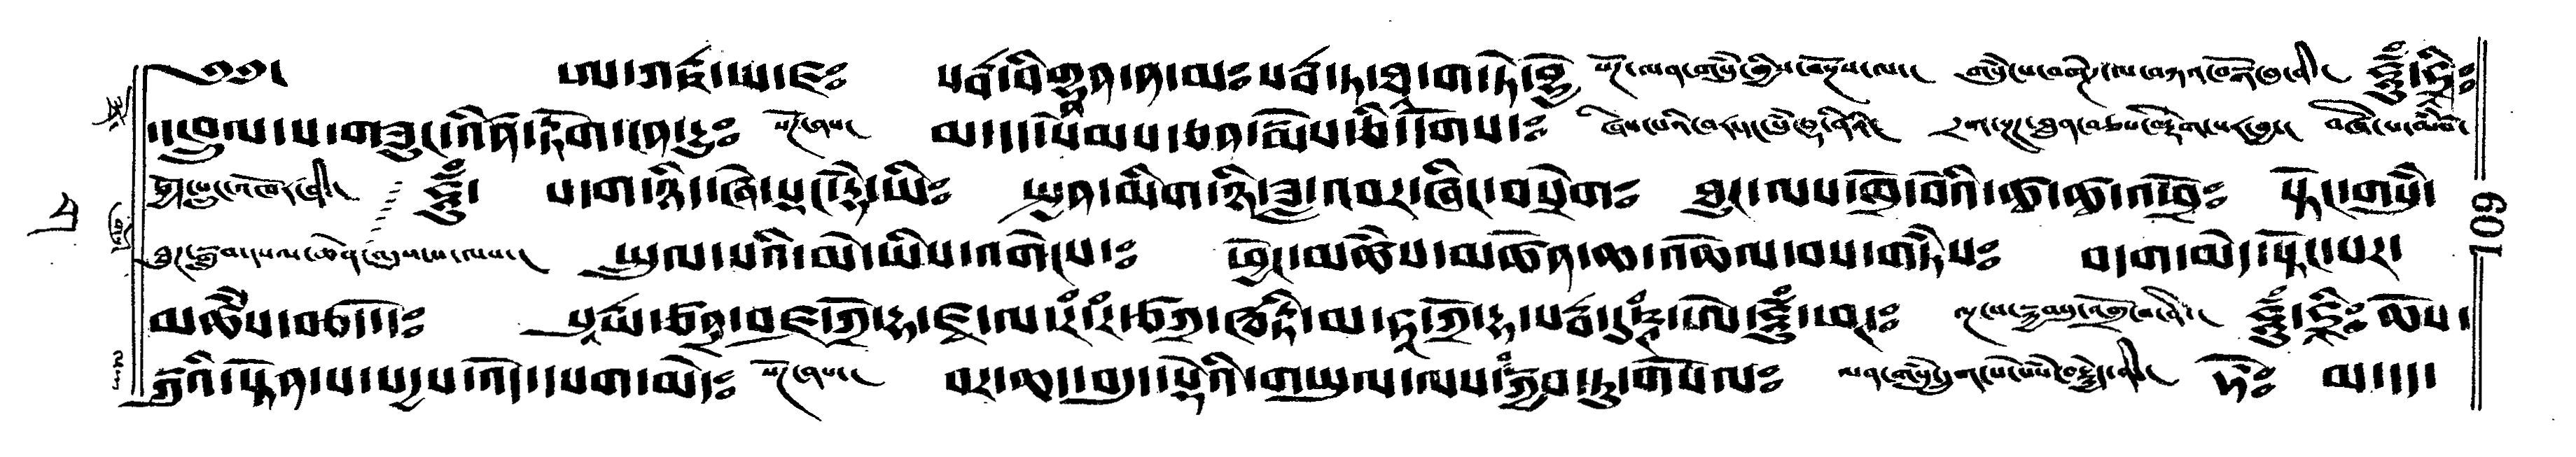ཨ་ཀར་ར་ཡ་ཛ༔ སརྦ་བིགྷྣན་ན་མཿསརྦ་ཏ་ཐཱ་ག་ཏེ་བྷྱོ༴ སོགས་ལན་གསུམ་གྱིས་བསྔོས་ལ། གསུམ་པ་བགེགས་ལ་བཀའ་བསྒོ་བ་ནི། ཧཱུྃ་ཧྲཱི༔ 
འཁྲུལ་པ་གཟུང་འཛིན་རྟོག་ངན་རྒྱུ༔ སོགས་ནས། མ་དད་སེམས་ཅན་སྨོས་ཅི་དགོས༔ ཞེས་པའི་བར་དང་སུམ་བྷ་ནིའི། །དྲག་སྔགས་ཐུན་བཅས་རྡེག་པར་བྱ། །བཞི་པ་མཚམས་
གཅོད་སྲུང་འཁོར་ནི། ཧཱུྃ༔ བདག་ཉིད་ཞེ་སྡང་རྡོ་རྗེ་ཡི༔ སྤྱན་མིག་ཉི་ཟླ་འབར་ཞིང་སྲེག༔ ཐུགས་ལས་ཁྲོ་བའི་ཚྭ་ཚྭ་འཕྲོ༔ སྟོང་གསུམ་
སྤྲུལ་པའི་མེ་ཡིས་འགེངས༔ ཕྱོགས་མཚམས་མཚོན་ཆ་འཆོལ་བས་གཏམས༔ བདག་མེད་སྟོང་པར
་མཚམས་བཅད་དོ༔ སུརྻ་ཙནྡྲ་བཛྲ་ཀྲོ་དྷ་ཛྭ་ལ་རཾ་རཾ་ཙཀྲ་ཝརྟི་མ་ཧཱ་ཀྲོ་དྷ་སརྦ་དུཥྚན་ཨེ་ཧཱུྃ་ཕཊ༔ ལྔ་པ་སྐྱབས་སུ་འགྲོ་བ་ནི། ཧཱུྃ་ཧྲཱི༔ ཆོས་
སྐུའི་སྟོན་པ་སངས་རྒྱས་འོད་དཔག་མེད༔ སོགས་ནས། བར་ཆད་བདུད་སྡེའི་གཡུལ་ལས་བསྐྱབ་ཏུ་གསོལ༔ ལན་གསུམ་དྲུག་པོ་སེམས་བསྐྱེད་ནི། ཧོ༔ མ་དད་